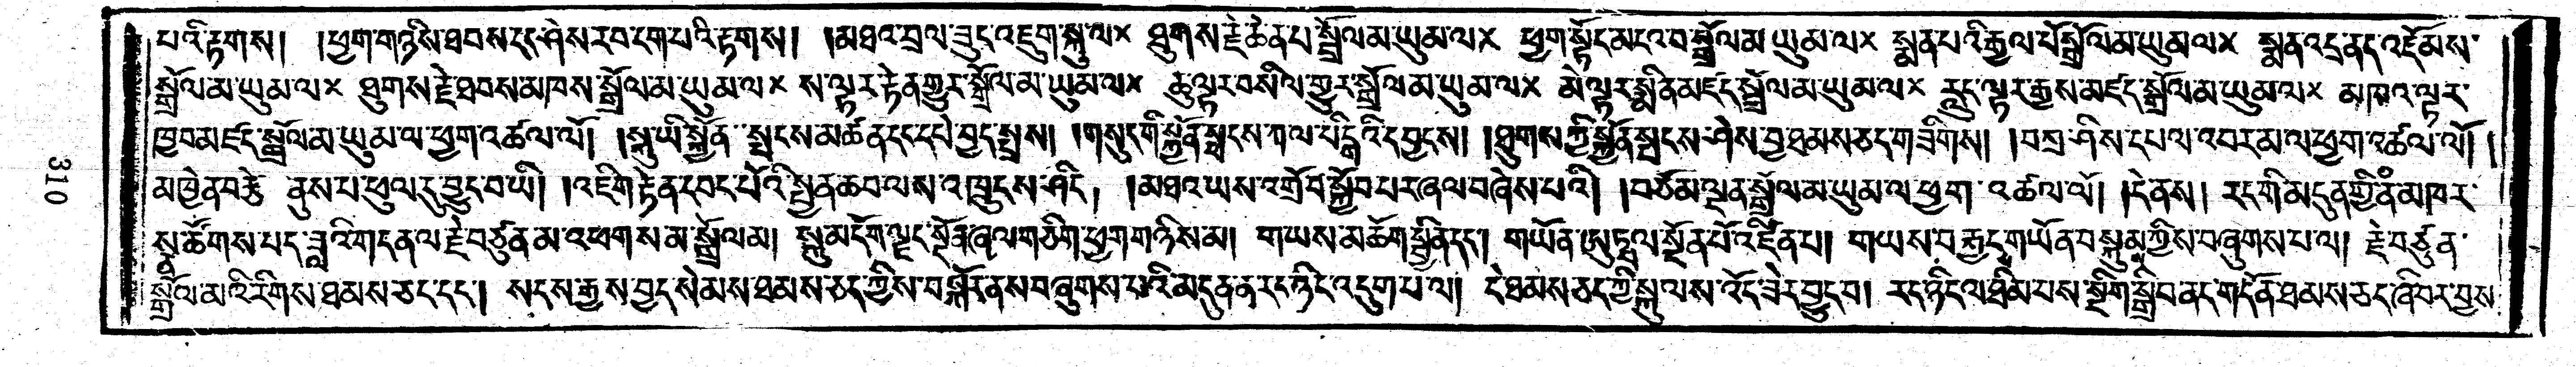པའི་རྟགས། །ཕྱག་གཉིས་ཐབས་དང་ཤེས་རབ་དག་པའི་རྟགས། །མཐའ་བྲལ་ཟུང་འཇུག་སྐུ་ལ་྾་ཐུགས་རྗེ་ཆེན་པ་སྒྲོལ་མ་ཡུམ་ལ་྾་ཕྱག་སྟོང་མངའ་བ་སྒྲོལ་མ་ཡུམ་ལ་྾་སྨན་པའི་རྒྱལ་པོ་སྒྲོལ་མ་ཡུམ་ལ་྾་སྨན་འདྲ་ནད་འཇོམས་
སྒྲོལ་མ་ཡུམ་ལ་྾་ཐུགས་རྗེ་ཐབས་མཁས་སྒྲོལ་མ་ཡུམ་ལ་྾་ས་ལྟར་རྟེན་གྱུར་སྒྲོལ་མ་ཡུམ་ལ་྾་ཆུ་ལྟར་བསིལ་གྱུར་སྒྲོལ་མ་ཡུམ་ལ་྾་མེ་ལྟར་སྨིན་མཛད་སྒྲོལ་མ་ཡུམ་ལ་྾་རླུང་ལྟར་རྒྱས་མཛད་སྒྲོལ་མ་ཡུམ་ལ་྾་མཁའ་ལྟར་
ཁྱབ་མཛད་སྒྲོལ་མ་ཡུམ་ལ་ཕྱག་འཚལ་ལོ། །སྐུ་ཡི་སྐྱོན་སྤངས་མཚན་དང་དཔེ་བྱད་སྤྲས། །གསུང་གི་སྐྱོན་སྤངས་ཀ་ལ་པིངྒའི་དབྱངས། །ཐུགས་ཀྱི་སྐྱོན་སྤངས་ཤེས་བྱ་ཐམས་ཅད་གཟིགས། །བཀྲ་ཤིས་དཔལ་འབར་མ་ལ་ཕྱག་འཚལ་ལོ། །
མཁྱེན་བརྩེ་ནུས་པ་ཕུལ་དུ་བྱུང་བ་ཡི། །འཇིག་རྟེན་དབང་པོའི་སྤྱན་ཆབ་ལས་འཁྲུངས་ཤིང་། །མཐའ་ཡས་འགྲོ་བ་སྐྱོབ་པར་ཞལ་བཞེས་པའི། །བཅོམ་ལྡན་སྒྲོལ་མ་ཡུམ་ལ་ཕྱག་འཚལ་ལོ། །དེ་ནས། རང་གི་མདུན་གྱི་ནཾ་མཁར་
སྣ་ཚོགས་པད་ཟླའི་གདན་ལ་རྗེ་བཙུན་མ་འཕགས་མ་སྒྲོལ་མ། སྐུ་མདོག་ལྗང་སྔོན་ཞལ་གཅིག་ཕྱག་གཉིས་མ། གཡས་མཆོག་སྦྱིན་དང་། གཡོན་ཨུཏྤལ་སྔོན་པོ་འཛིན་པ། གཡས་བརྐྱངས་གཡོན་བསྐུམས་ཀྱིས་བཞུགས་པ་ལ། རྗེ་བཙུན་
སྒྲོལ་མའི་རིགས་ཐམས་ཅད་དང་། སངས་རྒྱས་བྱད་སེམས་ཐམས་ཅད་ཀྱིས་བསྐོར་ནས་བཞུགས་པའི་མདུན་ན་རང་ཉིད་འདུག་པ་ལ། དེ་ཐམས་ཅད་ཀྱི་སྐུ་ལས་འོད་ཟེར་བྱུང་བ། རང་ཉིད་ལ་ཐིམ་པས་སྡིག་སྒྲིབ་ནད་གདོན་ཐམས་ཅད་ཞི་བར་བྱས་